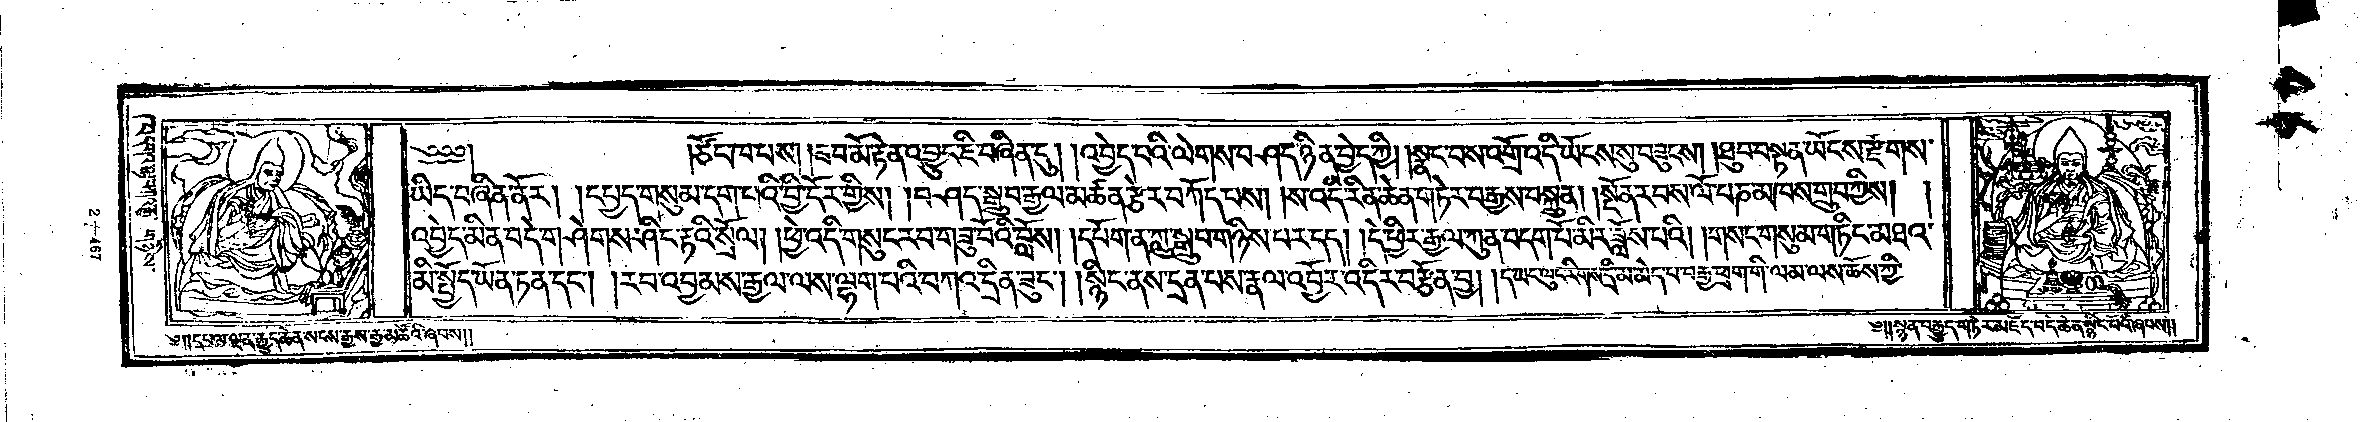༄༅༅། །ཙོང་ཁ་པས། །ཟབ་མོ་རྟེན་འབྱུང་ཇི་བཞིན་དུ། །འབྱེད་པའི་ལེགས་བཤད་ཉིན་བྱེད་ཀྱི། །སྣང་བས་འགྲོ་འདི་ཡོངས་སུ་བཟུངས། །ཐུབ་བསྟན་ཡོངས་རྫོགས་
ཡིད་བཞིན་ནོར། །དཔྱད་གསུམ་དག་པའི་བྱི་དོར་གྱིས། །བཤད་སྦྲུབ་རྒྱལ་མཚན་རྩེར་བཀོད་པས། །ས་འདི་རིན་ཆེན་གཏེར་བརྒྱས་བསྐྲུན། །སྔོན་རབས་ལོ་པཎ་མཁས་གྲུབ་ཀྱིས། །
འབྱེད་མིན་བདེ་གཤེགས་ཤིང་རྟའི་སྲོལ། །ཕྱེ་འདི་གསུང་རབ་གཟུ་བོའི་བློས། །དཔོག་ན་ཀླུ་སྒྲུབ་གཉིས་པར་དད། །དེ་ཕྱིར་རྒྱལ་ཀུན་བདག་པོ་མིར་ཟློས་པའི། །གསང་གསུམ་གཏིང་མཐའ་
མི་སྤྱོད་ཡོན་ཏན་དང་། །རབ་འབྱམས་རྒྱལ་ལས་ལྷག་པའི་བཀའ་དྲིན་ཟུང་། །སྙིང་ནས་དྲན་པས་རྣལ་འབྱོར་འདིར་བརྩོན་བྱ། །ད་ཡང་ལུང་རིགས་དྲི་མ་མེད་པ་བརྒྱ་ཕྲག་གི་ལམ་ལས་ཆོས་ཀྱི་